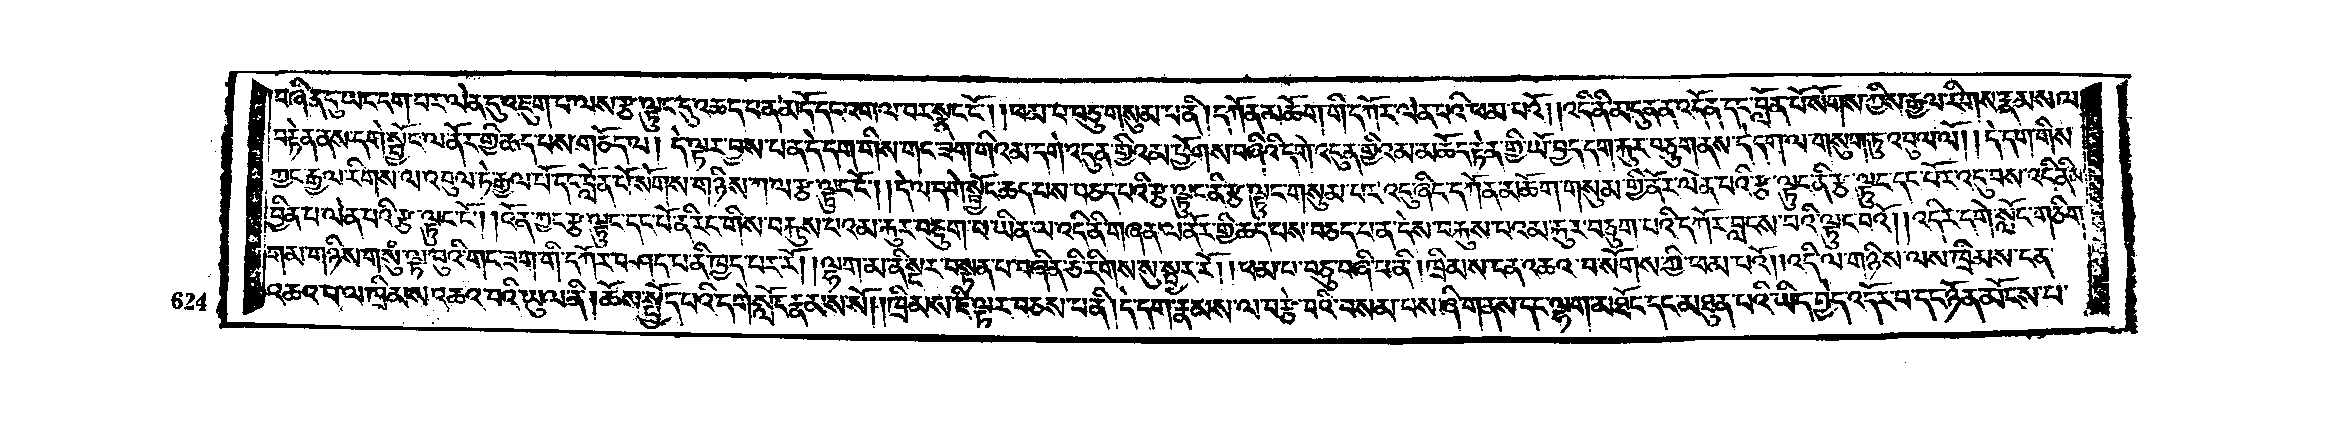བཞིན་དུ་ཡང་དག་པར་ལེན་དུ་འཇུག་པ་ལས་རྩ་ལྟུང་དུ་འཆད་པན་མདོ་དང་འགལ་བར་སྣང་ངོ། །ཕམ་པ་བཅུ་གསུམ་པ་ནི། དཀོན་མཆོག་གི་དཀོར་ལེན་པའི་ཕམ་པའོ། །འདི་ནི་མདུན་ན་འདོན་དང་བློན་པོ་སོགས་ཀྱིས་རྒྱལ་རིགས་རྣམས་ལ་
བརྟེན་ནས་དགེ་སྦྱོང་ལ་ནོར་གྱི་ཆད་པས་གཅོད་ལ། དེ་ལྟར་བྱས་པ་ན་དེ་དག་གིས་གང་ཟག་གིའམ་དགེ་འདུན་གྱིའམ་ཕྱོགས་བཞིའི་དགེ་འདུན་གྱིའམ་མཆོད་རྟེན་གྱི་ཡོ་བྱད་དག་རྐུར་བཅུག་ནས་དེ་དག་ལ་གསུག་ཏུ་འབུལ་ལོ། །དེ་དག་གིས་
ཀྱང་རྒྱལ་རིགས་ལ་འབུལ་ཏེ་རྒྱལ་པོ་དང་བློན་པོ་སོགས་གཉིས་ཀ་ལ་རྩ་ལྟུང་ངོ། །དེ་ལ་དགེ་སྦྱོང་ཆད་པས་བཅད་པའི་རྩ་ལྟུང་ནི་རྩ་ལྟུང་གསུམ་པར་འདུ་ཞིང་དཀོན་མཆོག་གསུམ་གྱི་ནོར་ལེན་པའི་རྩ་ལྟུང་ནི་རྩ་ལྟུང་དང་པོར་འདུ་བས་འདི་ནི་མ་
བྱིན་པ་ལེན་པའི་རྩ་ལྟུང་ངོ། །འོན་ཀྱང་རྩ་ལྟུང་དང་པོ་ན་རིང་གིས་བརྐུས་པའམ་རྐུར་བཅུག་པ་ཡིན་ལ་འདི་ནི་གཞན་ལ་ནོར་གྱི་ཆད་པས་བཅད་པ་ན་དེས་བརྐུས་པའམ་རྐུར་བཅུག་པའི་དཀོར་བླངས་པའི་ལྟུང་བའོ། །འདིར་དགེ་སློང་གཅིག་
གམ་གཉིས་གསུམ་ལྟ་བུའི་གང་ཟག་གི་དཀོར་བཤད་པ་ནི་ཁྱད་པར་རོ། །ལྷག་མ་ནི་སྔར་བསྟན་པ་བཞིན་ཅི་རིགས་སུ་སྦྱར་རོ། །ཕམ་པ་བཅུ་བཞི་པ་ནི། ཁྲིམས་ངན་འཆའ་བ་སོགས་ཀྱི་ཕམ་པའོ། །འདི་ལ་གཉིས་ལས་ཁྲིམས་ངན་
འཆའ་པ་ལ་ཁྲིམས་འཆའ་བའི་ཡུལ་ནི། ཆོས་སྤྱོད་པའི་དགེ་སློང་རྣམས་སོ། །ཁྲིམས་ཇི་ལྟར་བཅས་པ་ནི། དེ་དག་རྣམས་ལ་བརྩེ་བའི་བསམ་པས་ཞི་གནས་དང་ལྷག་མཐོང་དང་མཐུན་པའི་ཡིད་བྱེད་འདོར་བ་དང་ཉོན་མོངས་པ་